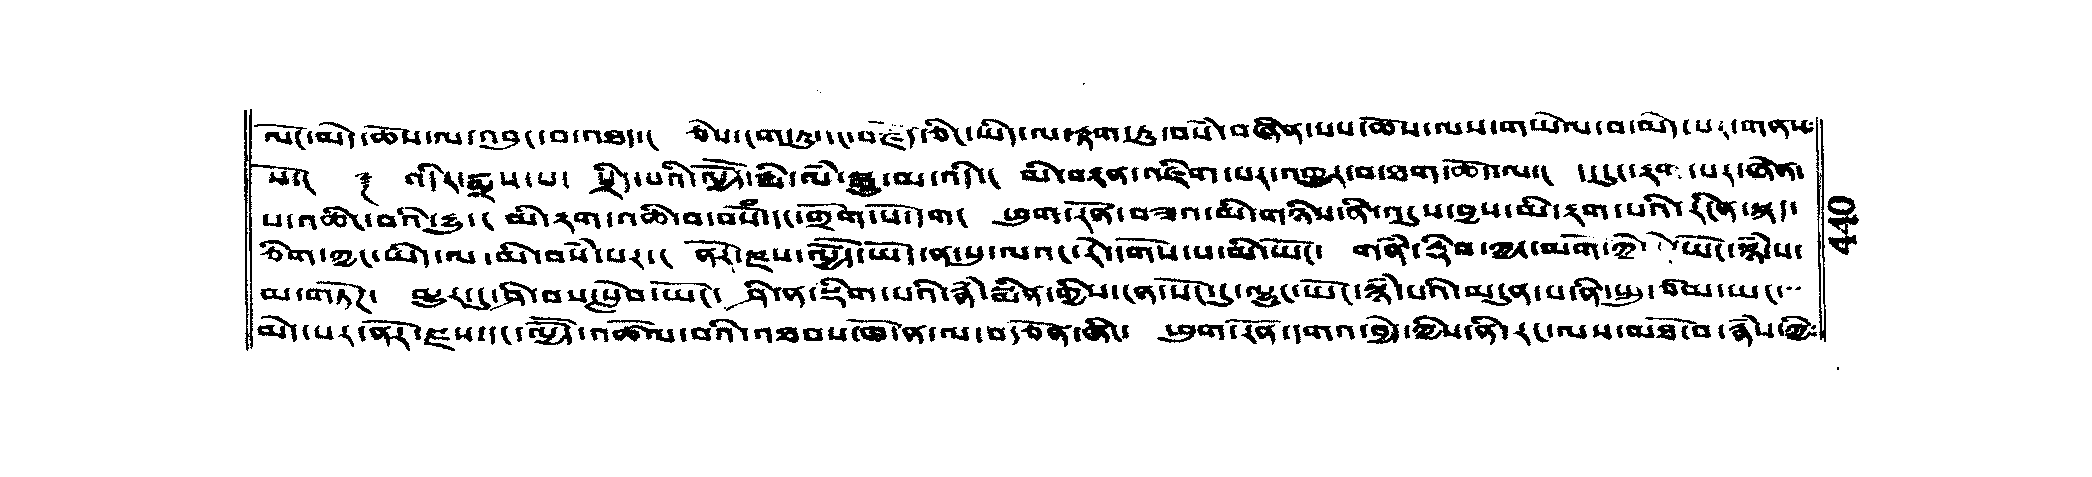ལོང་མེད་ཆོས་ལ་འབུང་བ་འཐད། ཅེས་ངག་ཏུའང་བརྗོད་ཅིང་ཡིད་ལ་རྟག་ཏུ་བསམ་བཞིན་པས་ཆོས་ལས་གཡེལ་བ་མེད་པར་གནས་
སོ།། འདིར་སྨྲས་པ། སྲིད་པའི་ལོངས་སྤྱོད་རྨི་ལམ་སྒྱུ་མ་འདི། །མི་བརྟན་འཇིག་པར་འགྱུར་བ་ཐག་ཆོད་ལ། །ད་དུང་རྟག་པར་ཞེན་
པ་འཆིང་བའི་རྒྱུ། །མི་རྟག་འཆི་བ་སོམས་དང་གྲོགས་པོ་དག ཕུག་རོན་བཟའ་མི་གཉིས་ནི་འདུས་བྱས་མི་རྟག་པའི་རང་བཞིན་སྐད་
ཅིག་ཀྱང་ཡིད་ལ་མི་བསམ་པར། ནོར་རྫས་ལོངས་སྤྱོད་ཡོད་ན་སུ་ལའང་རེ་དགོས་པ་མི་ཡོང་། གནམ་རྡིབ་ཀྱང་མགོ་ཀེར་ཡོང་སྙམ་པ་
མ་གཏོགས། མྱུར་དུ་ཤི་བ་སླེབ་ཡོང་། ཤི་ན་སྡིག་པའི་རྣམ་སྨིན་གྱིས་ངན་སོང་དུ་ལྷུང་ཡོང་སྙམ་པའི་མདུན་པ་ནི་སྤུ་ཙམ་ཡང་
མེད་པར་ནོར་རྫས་དང་ལོངས་སྤྱོད་འཚོལ་བའི་ཐབས་ཁོ་ན་ལ་བརྩོན་ཞིང་།ཕུག་རོན་དགའ་བྱེད་ཀྱིས་ནི་རང་ལས་མཐོ་བ་རྣམས་ཀྱི་